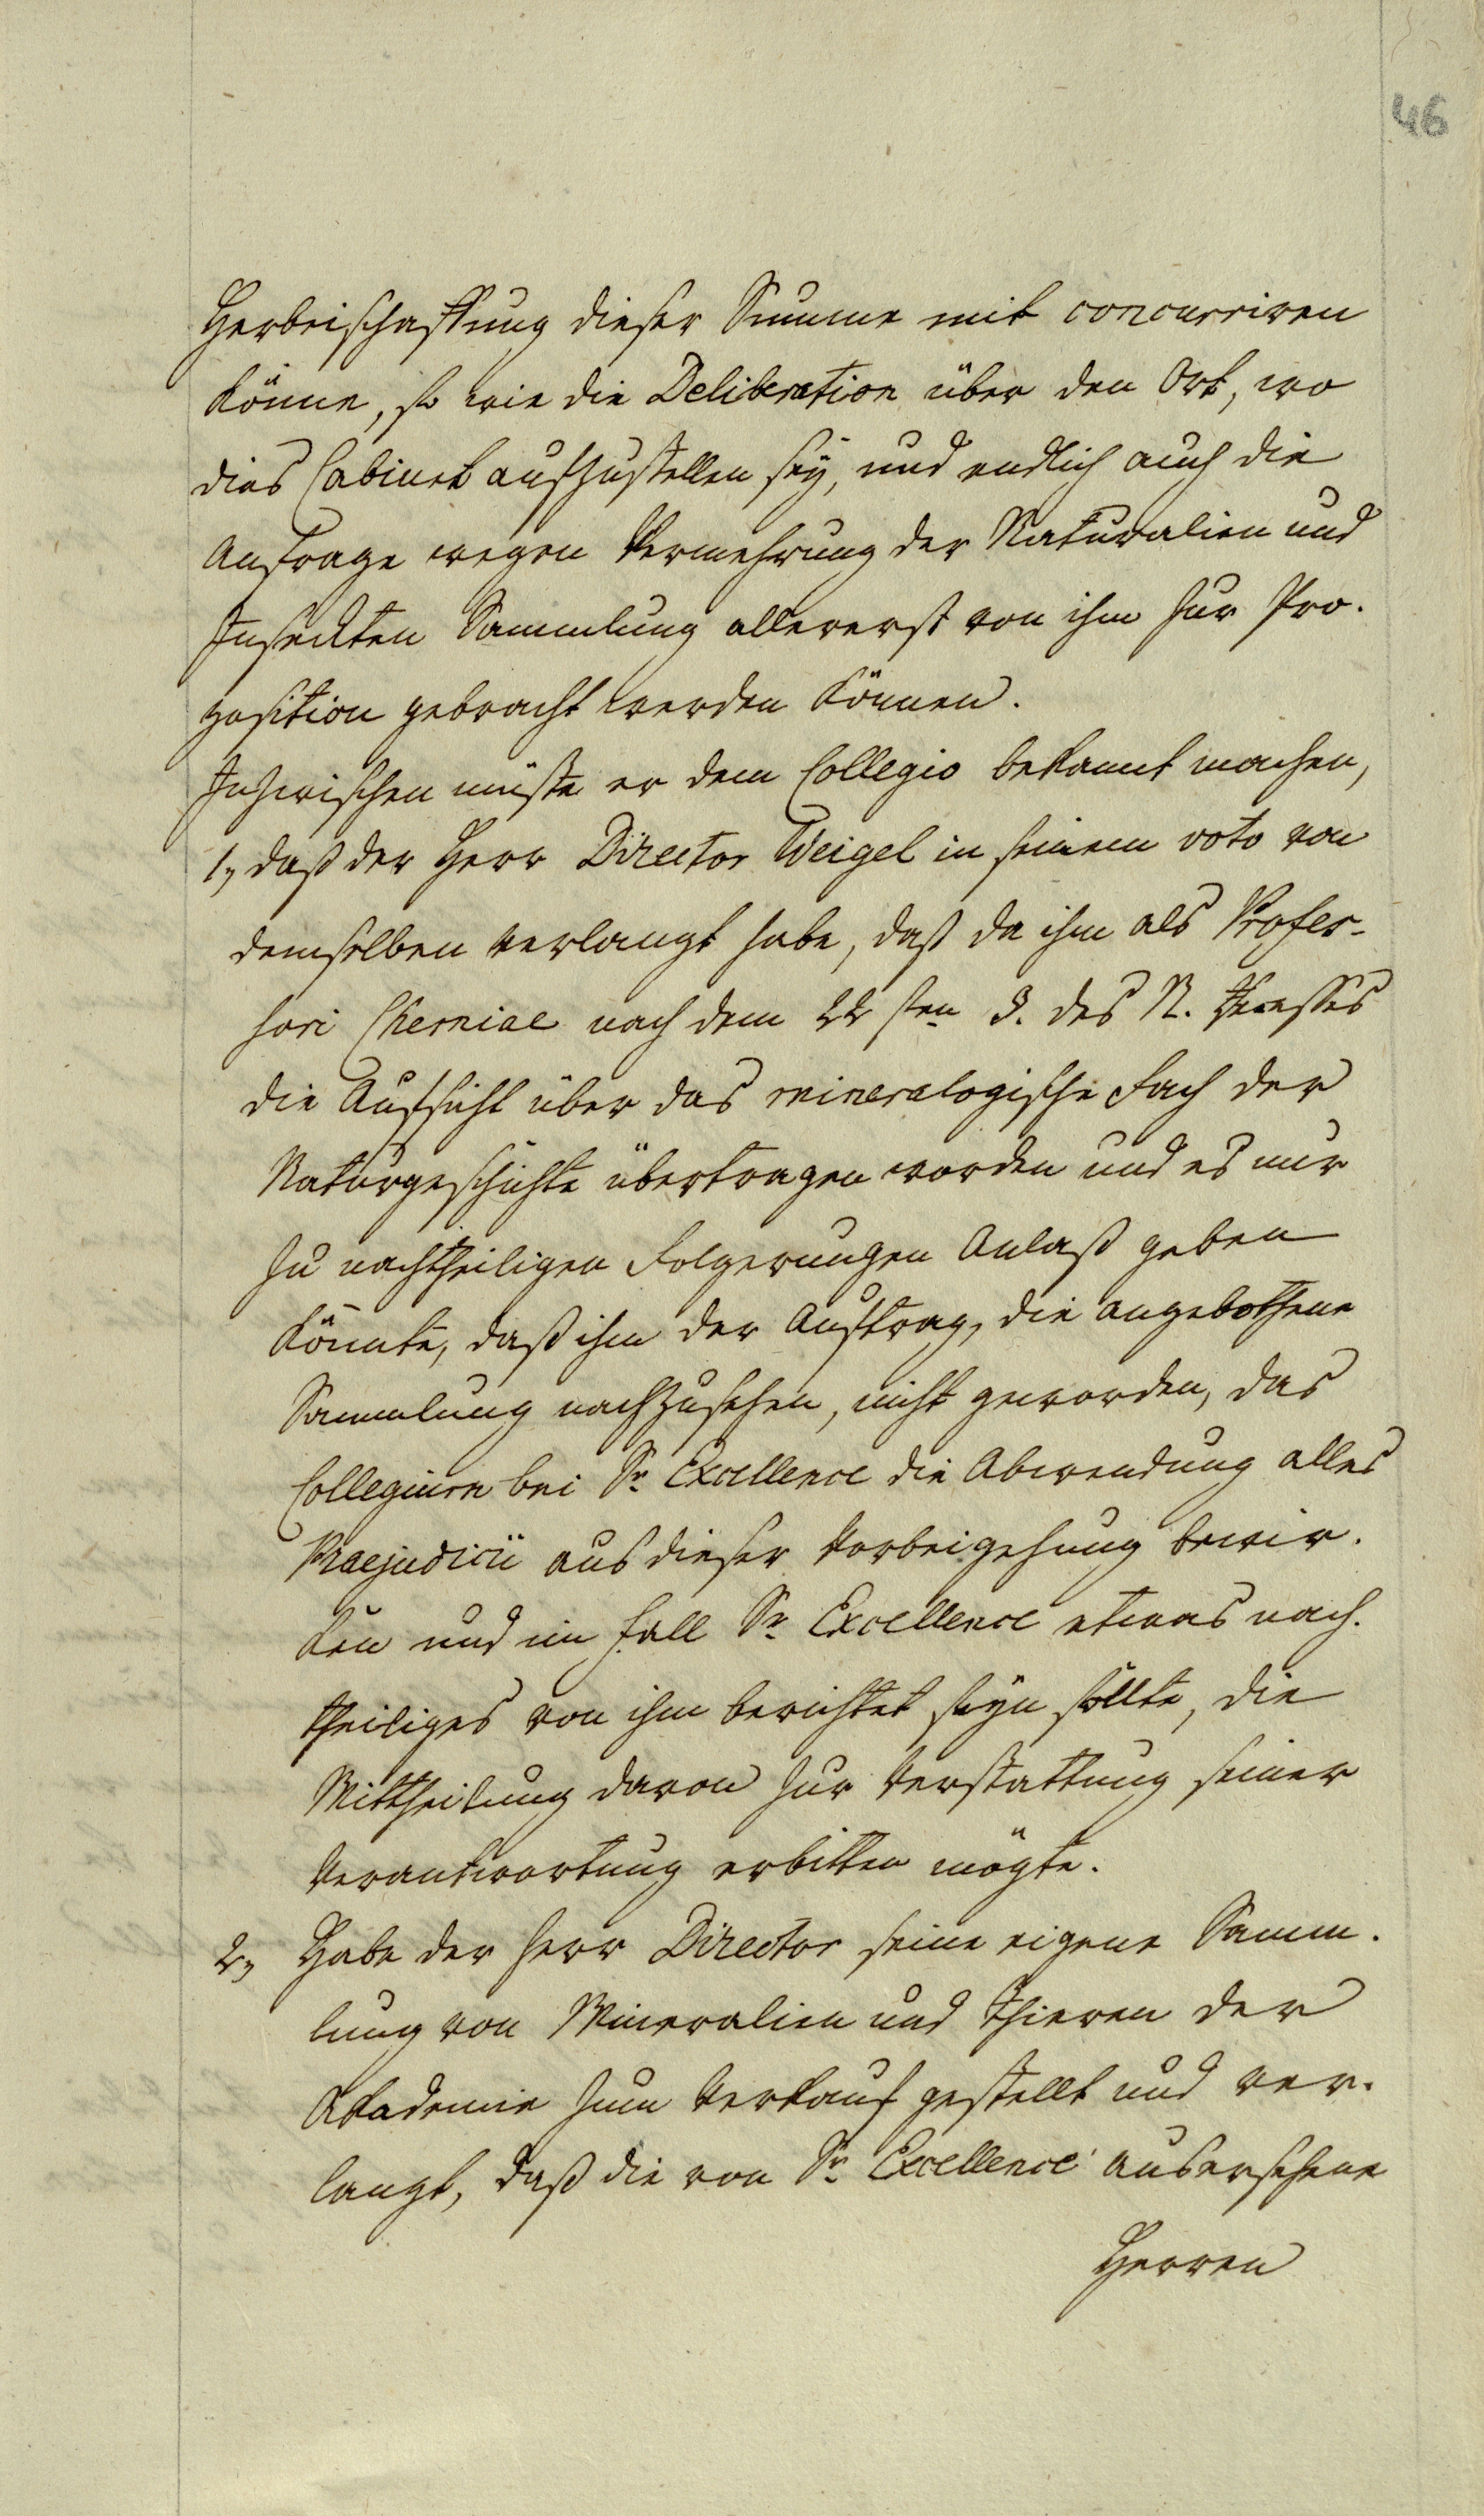Herbeischaffung dieser Summe mit concurriren
könne, so wie die Deliberation über den Ort, wo
dies Cabinet aufzustellen seÿ, und endlich auch die
Anfrage wegen Vermehrung der Naturalien und
Inseckten Sammlung allererst von ihm zur Pro¬
position gebracht werden können.
Inzwischen müsste er dem Collegio bekannt machen,
1., daß der Herr Director Weigel in seinem voto von
demselben verlangt habe, daß da ihm als Profes¬
sori Chemiae nach dem 22 sten §. des N. Recesses
die Aufsicht über das mineralogische Fach der
Naturgeschichte übertragen worden und es nur
zu nachtheiligen Folgerungen Anlaß geben
könnte, daß ihm der Auftrag, die angebothene
Sammlung nachzusehen, nicht geworden, das
Collegium bei Sr. Excellence die Abwendung alles
Praejudicii aus dieser Vorbeigehung bewir¬
ken und im Fall Sr. Excellence etwas nach¬
theiliges von ihm berichtet seÿn sollte, die
Mittheilung davon zur Verstattung seiner
Verantwortung erbitten mögte.
2., Habe der Herr Director seine eigene Samm¬
lung von Mineralien und Thieren der
Akademie zum Verkauf gestellt und ver¬
langt, daß die von Sr. Excellence ausersehene
Herren